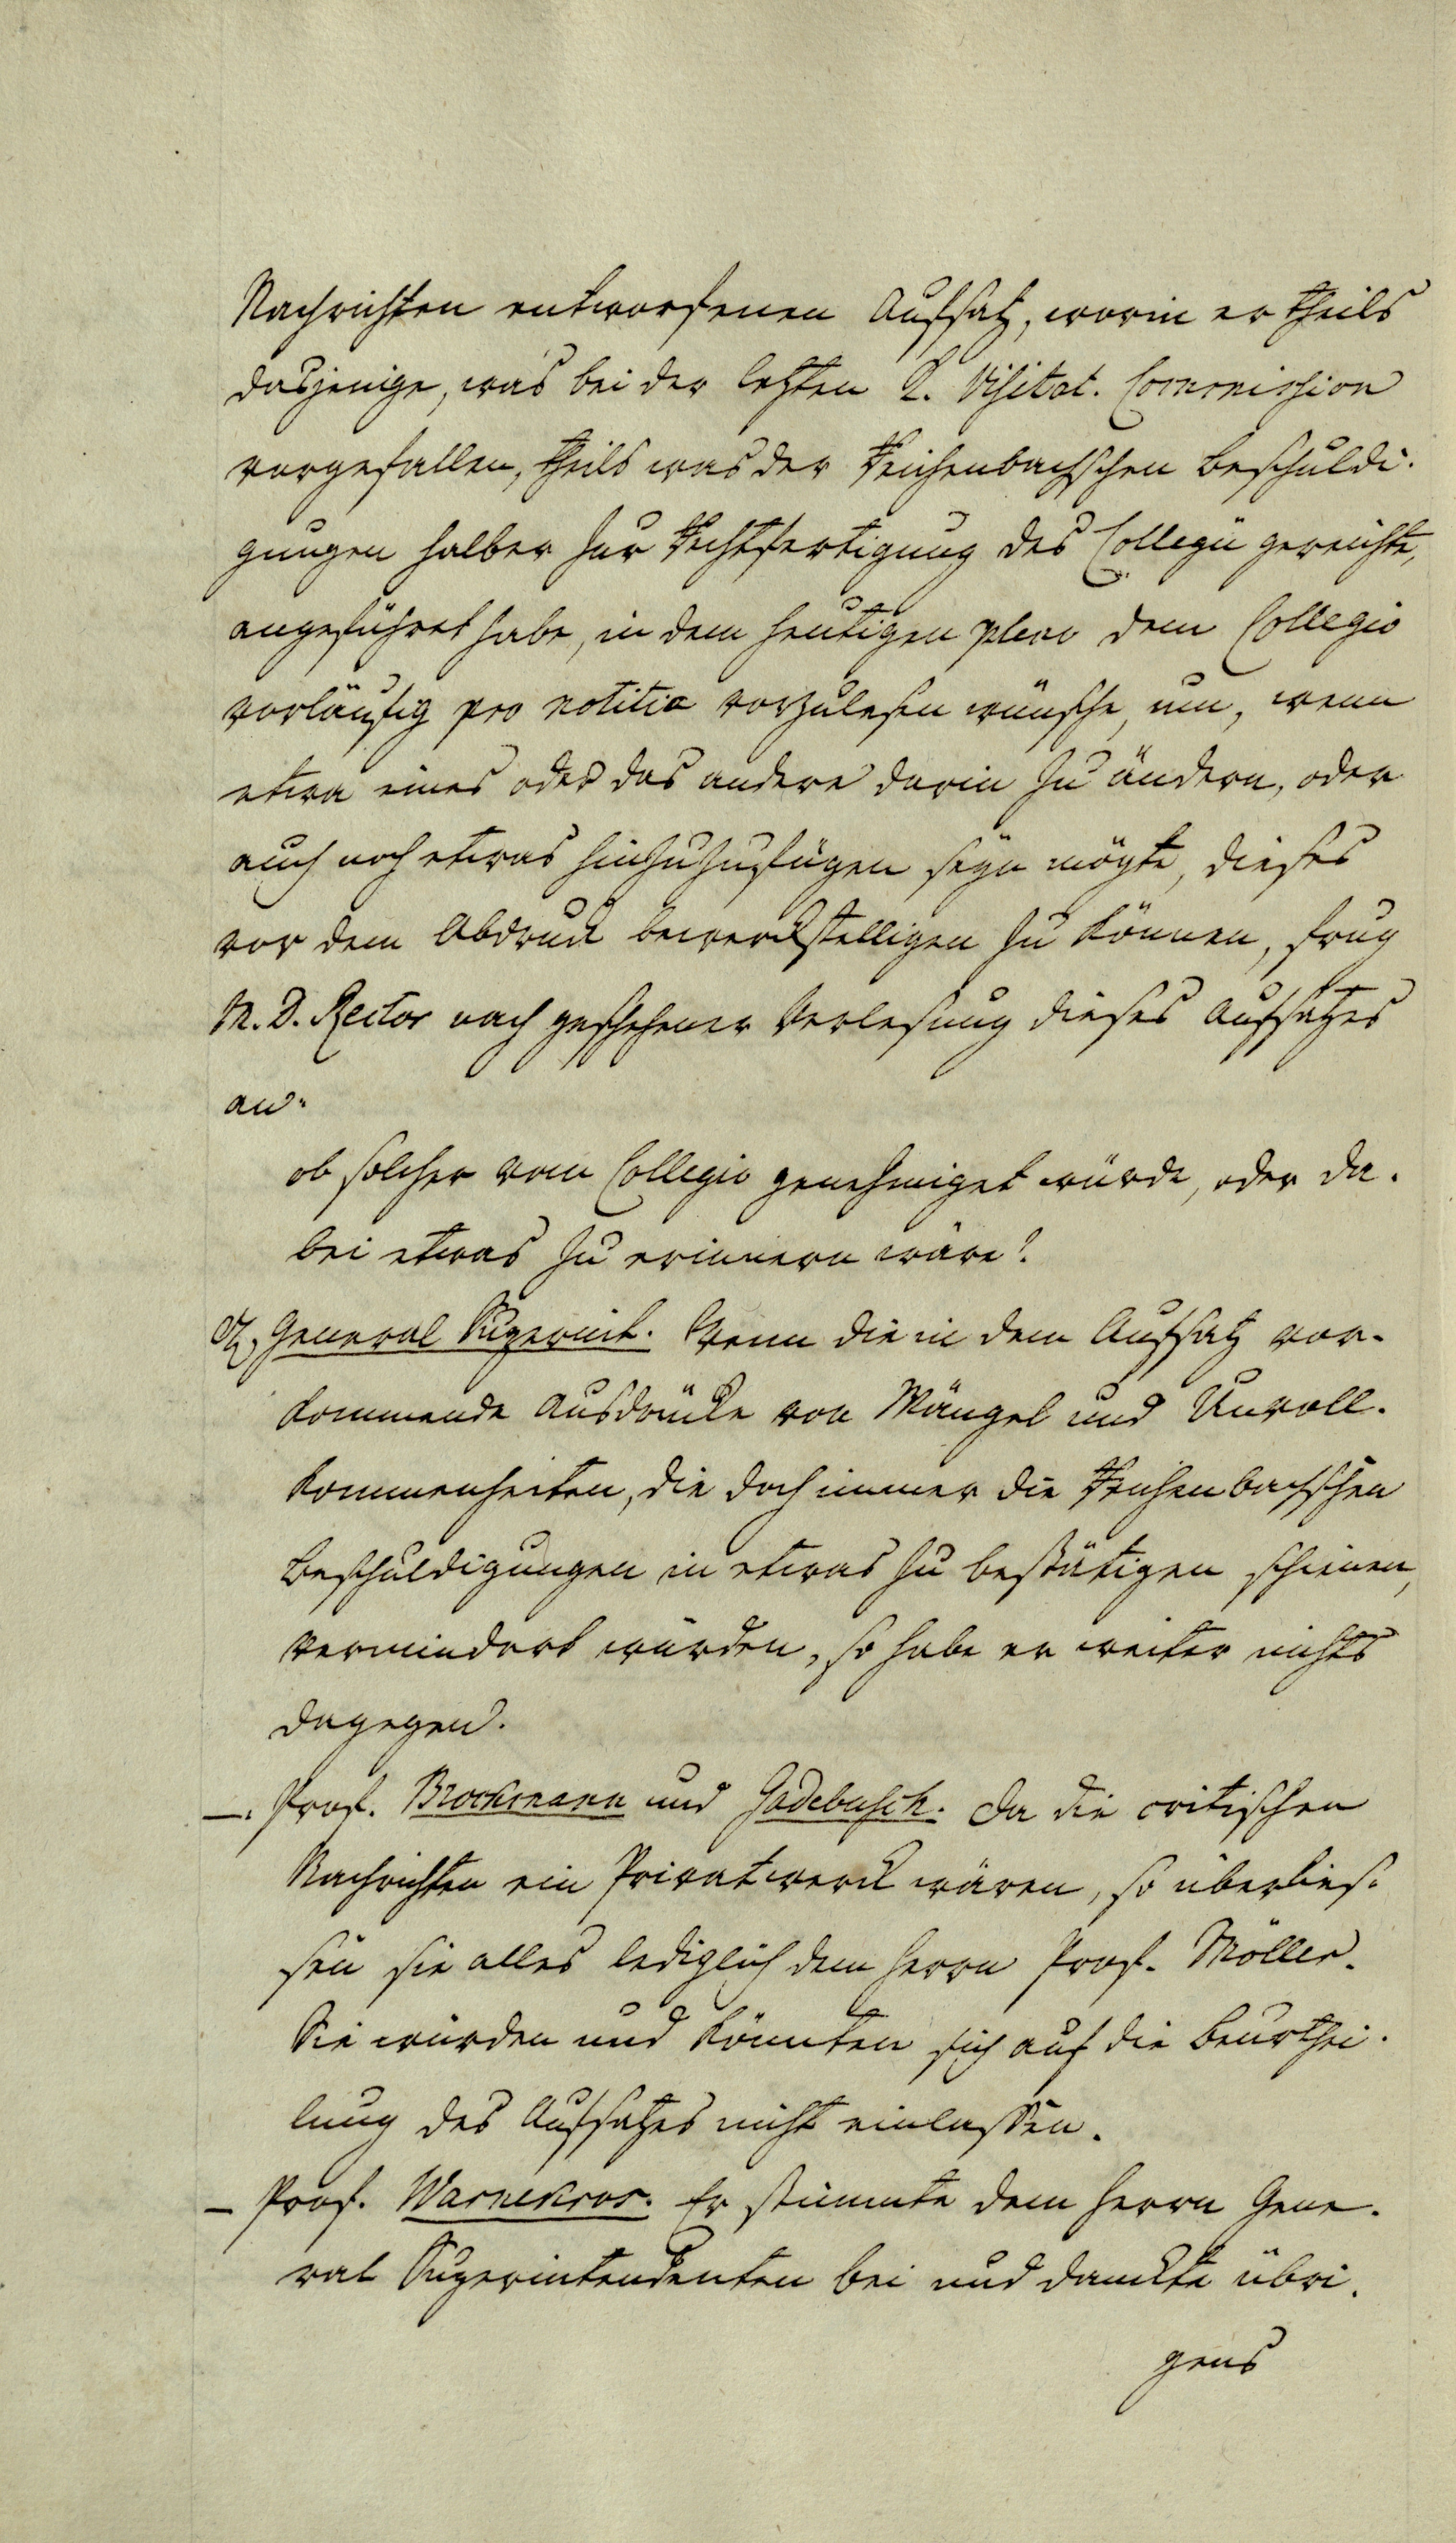Nachrichten entworfenen Aufsatz, worin er theils
dasjenige, was bei der letzten K. Visitat. Commission
vorgefallen, theils was der Reichenbachschen Beschuldi¬
gungen halber zur Rechtfertigung des Collegii gereichte,
angeführet habe, in dem heutigen pleno dem Collegio
vorläufig per notitia vorzulesen wünsche, um, wenn
etwa eines des das andere darin zu ändern, oder
auch noch etwas hinzuzufigen seÿn mögte, dieses
vor dem Abdruck bewerckstelligen zu können, frug
M. D. Rector nach geschehener Vorlesung dieses Aufsatzes
an:
ob solcher vom Collegio genehmiget würde, der da¬
bei etwas zu erinnern wäre?
dh. General Superint. Wenn die in dem Aufsatz vor¬
kommende Ausdrücke von Mängel und Unvoll¬
kommenheiten, die doch immer die Reichenbachschen
Beschuldigungen in etwas zu bestätigen schienen,
vermindert würden, so habe er weiter nichts
dagegen.
Prof. Brockmann und Gadebusch. Da die critischen
Nachrichten ein Privatwerck wären, so überlies¬
sen sie alles lediglich dem Herrn Prof. Möller.
Sie würden und könnten sich auf die Beurthei¬
lung des Aufsatzes nicht einlassen.
Prof. Warnekros. Er stimmte dem Herrn Gene¬
ral Superintendenten bei und danckte übri¬
gens